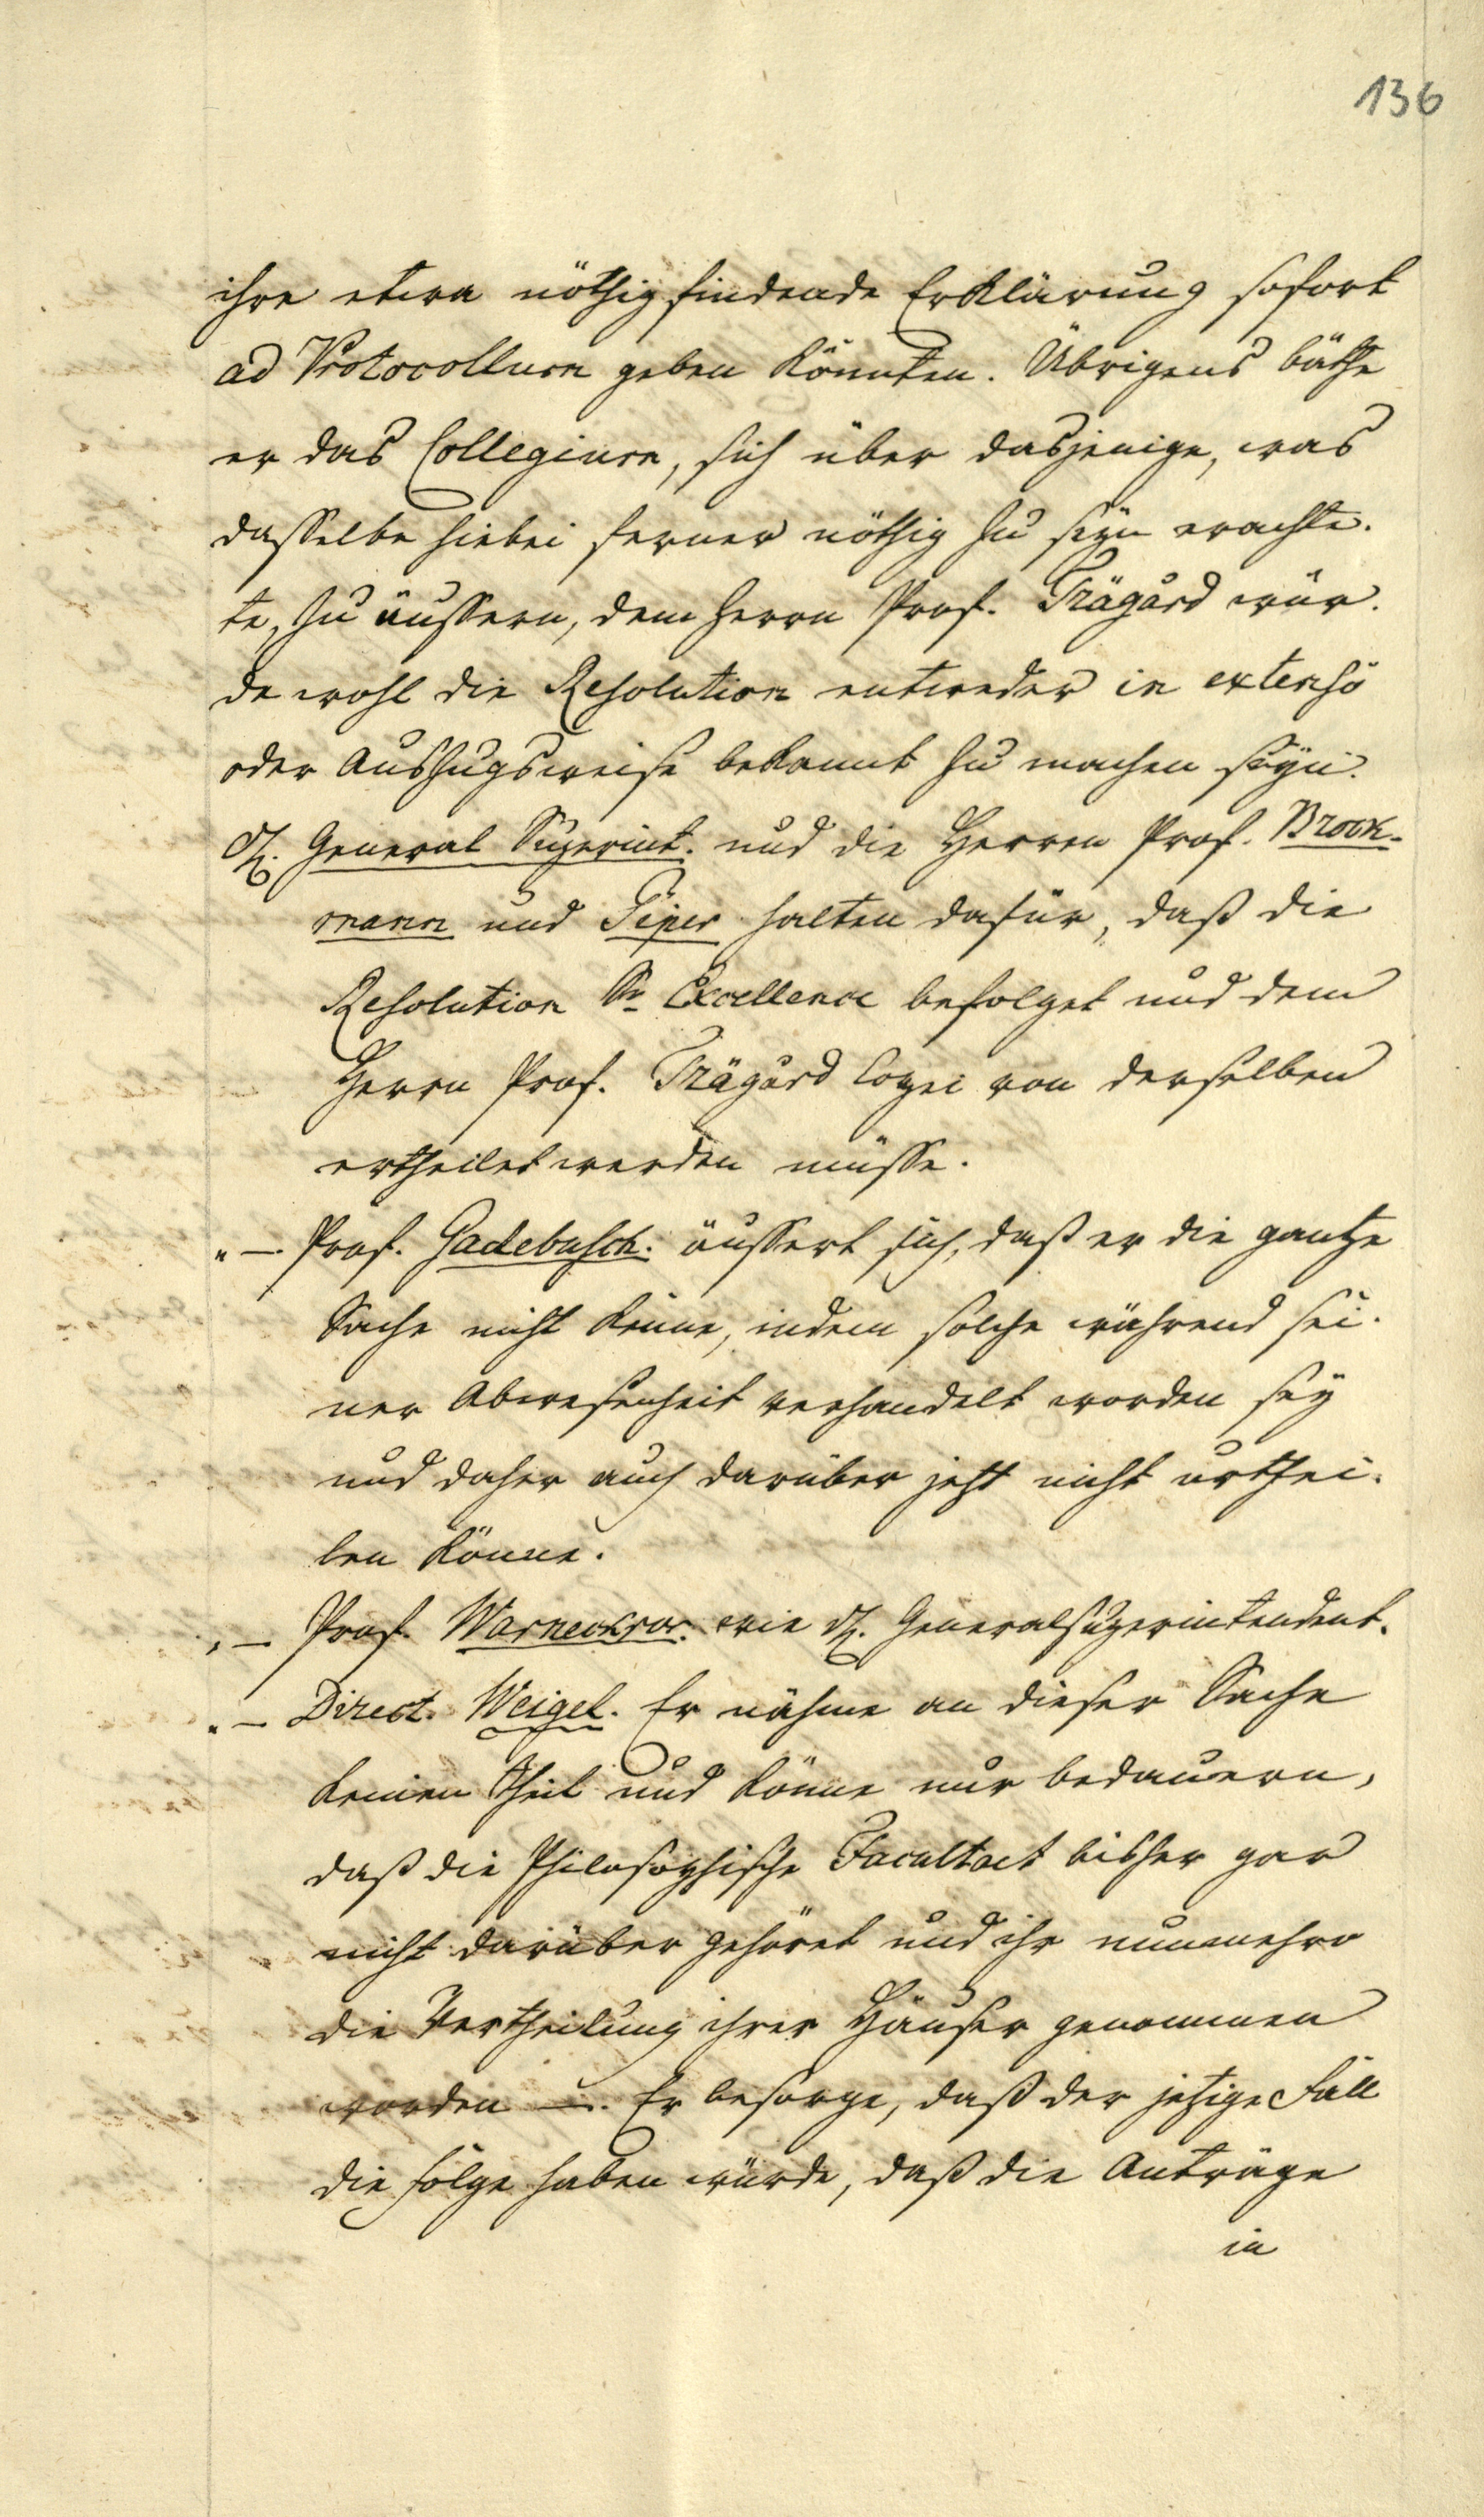ihre etwa nöthig findende Erklärung sofort
ad Protocollum geben könnten. Übrigens bäthe
er das Collegium, sich über dasjenige, was
dasselbe hiebei ferner nöthig zu seÿn erachte¬
te zu äussern, dem Herrn Prof. Trägård wür¬
de wohl die Resolution entweder in extenso
oder auszugsweise bekannt zu machen seÿn.
dh. General. Superint. und die Herren Prof. Brock¬
mann und Piper halten dafür, daß die
Resolution Sr Excellence befolget und dem
Herrn Prof. Trägård Copei von derselben
ertheilet werden müsse.
Prof. Gadebusch äussert sich, daß er die gantze
Sache nicht kenne, indem solche während sei¬
ner Abwesenheit verhandelt worden seÿ
und daher auch darüber jetzt nicht urthei¬
len könne.
Prof. Warneckros. wie dh. Generalsuperintendent.
Direct. Weigel. Er nähme an dieser Sache
keinen Theil und könne nur bedauern,
daß die Philosophische Facultaet bisher gar
nicht darüber gehöret und ihr nunmehro
die Vertheilung ihrer Häuser genommen
worden. Er besorge, daß der jetzige Fall
die Folge haben würde, daß die Anträge
in